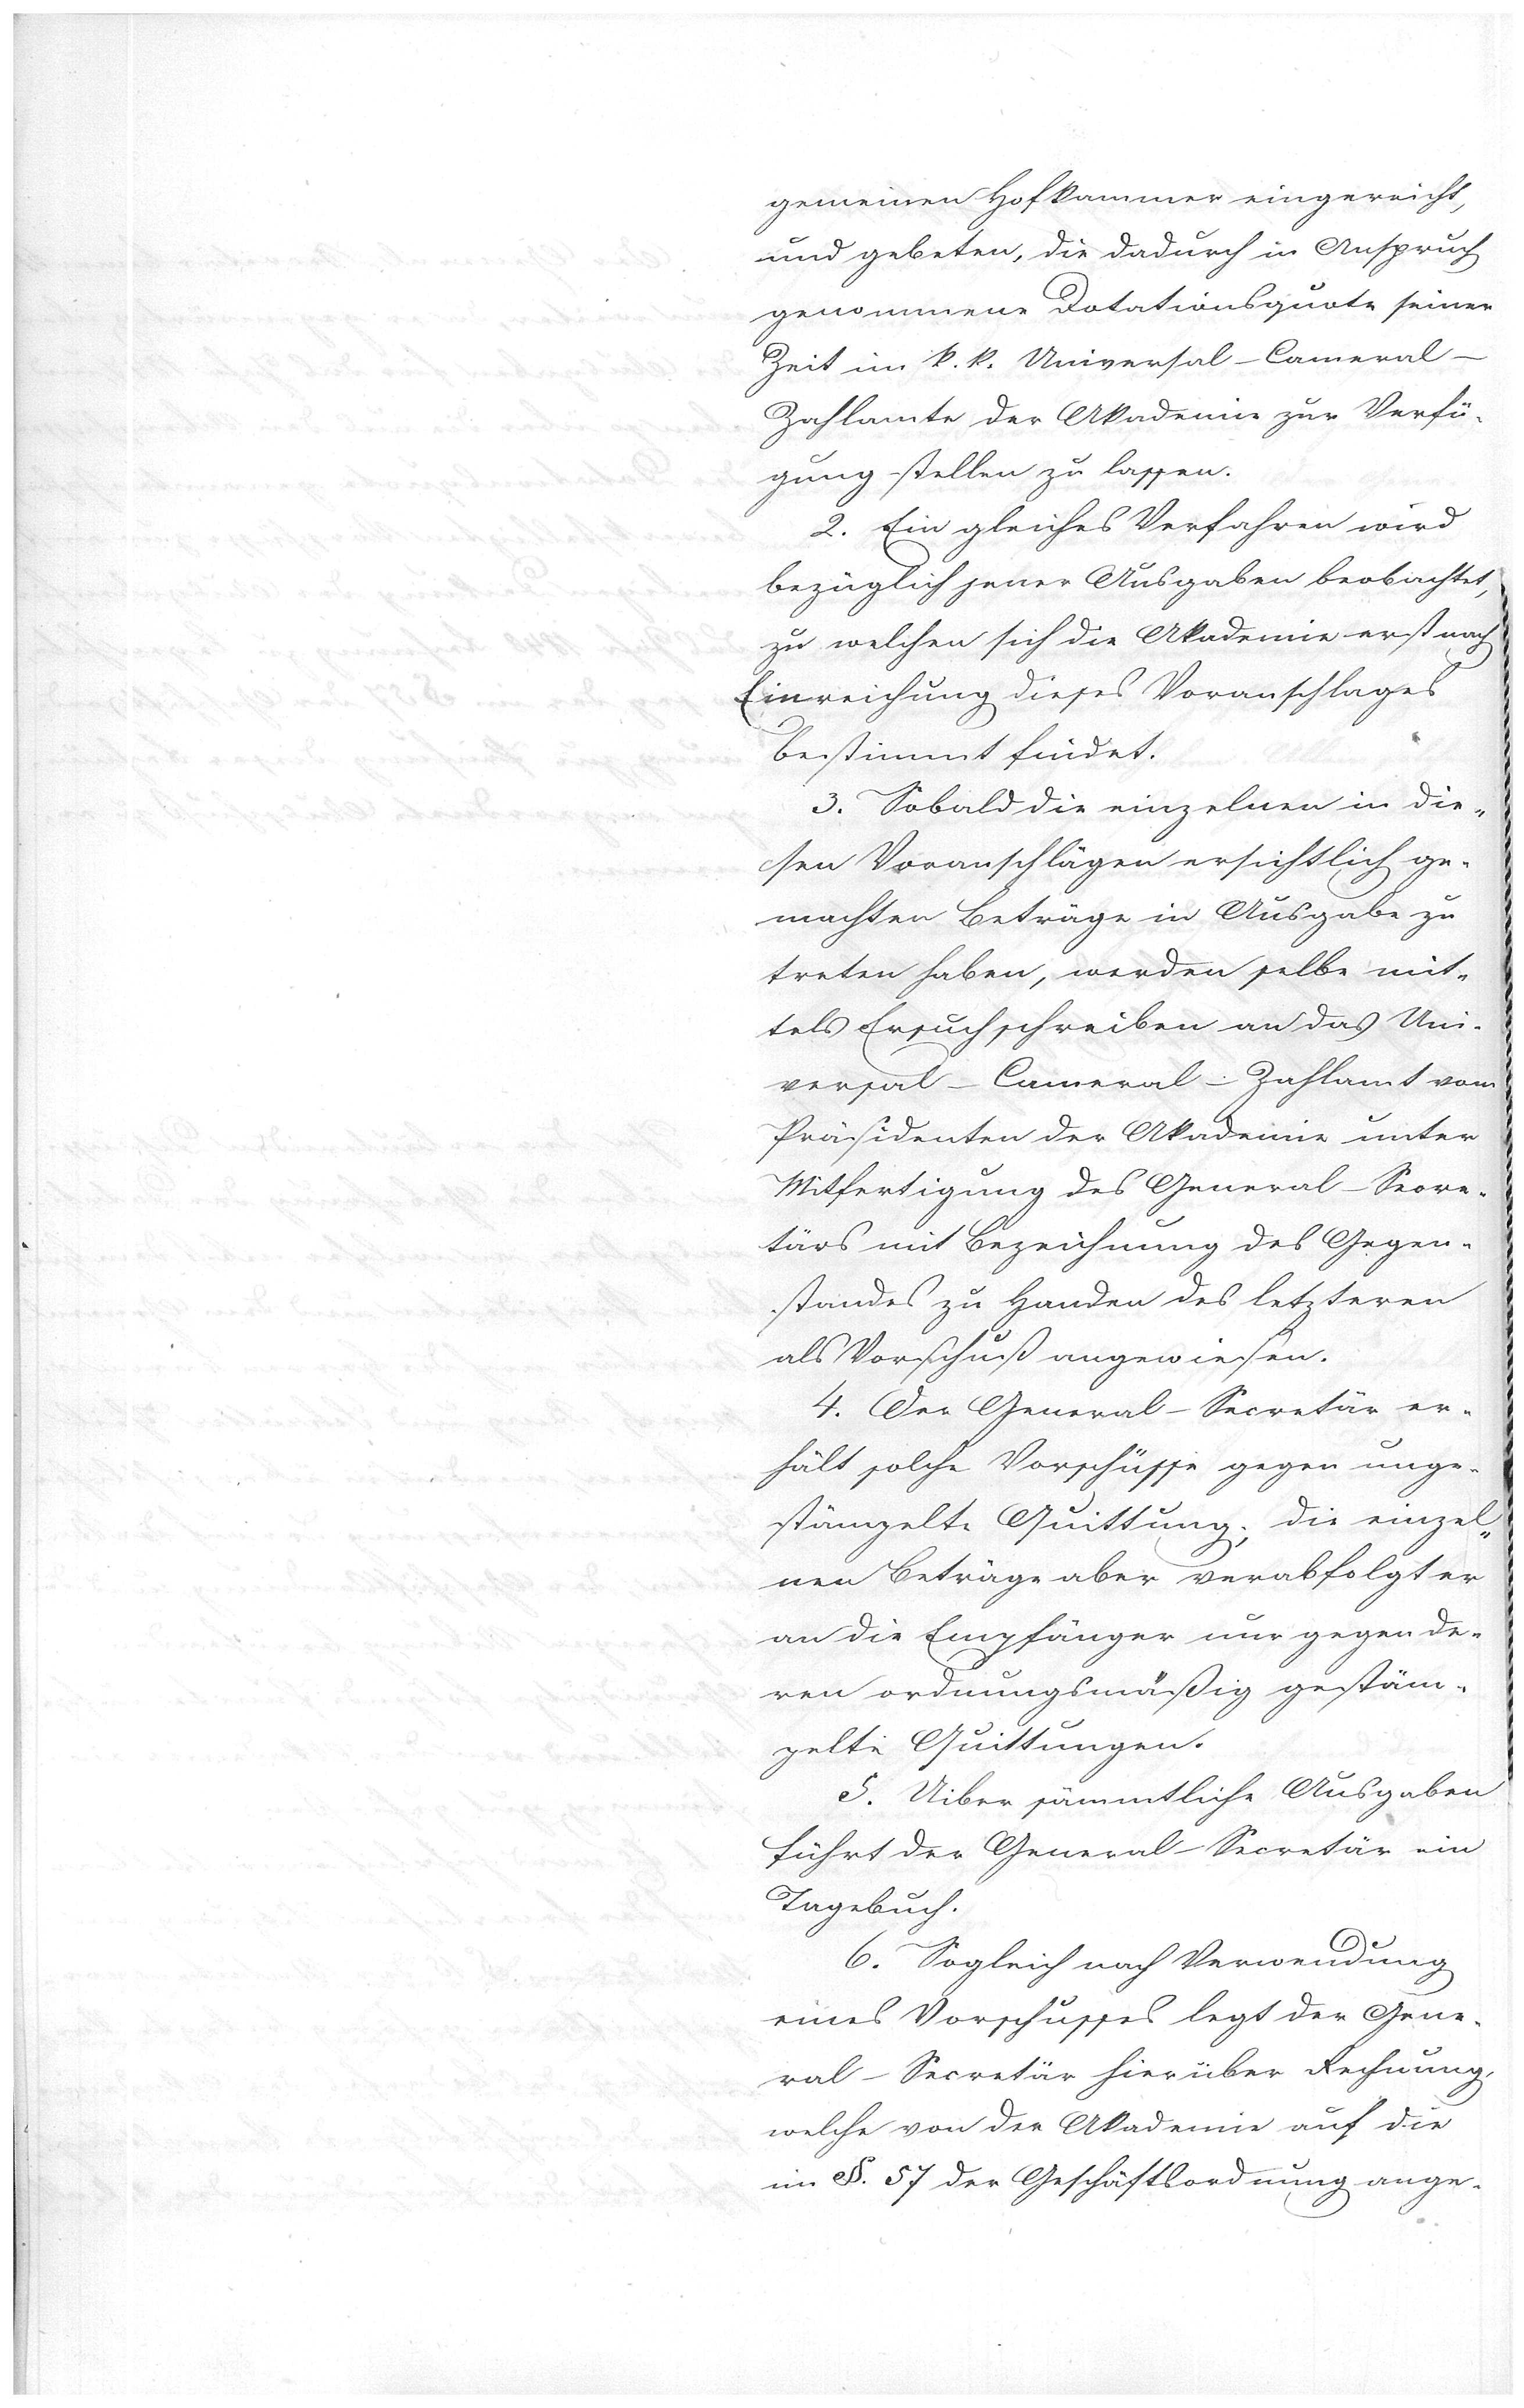gemeinen Hofkammer eingereicht,
und gebeten, die dadurch in Anspruch
genommene Dotationsquote seiner
Zeit im k. k. Universal-Cameral-
Zahlamte der Akademie zur Verfü-
gung stellen zu lassen.
2. Ein gleiches Verfahren wird
bezüglich jener Ausgaben beobachtet,
zu welchen sich die Akademie erst nach
Einreichung dieses Voranschlages
bestimmt findet.
3. Sobald die einzelnen in die-
sen Voranschlägen ersichtlich ge-
machten Beträge in Ausgabe zu
treten haben, werden selbe mit-
tels Ersuchschreiben an das Uni-
versal-Cameral-Zahlamt vom
Präsidenten der Akademie unter
Mitfertigung des General-Secre-
tär mit Bezeichnung des Gegen-
standes zu Handen des letzteren
als Vorschluß angewiesen.
4. Der General-Secretär er-
hält solche Vorschläge gegen unge-
stämpelte Quittung; die einzel
nen Beträge aber verabfolgt er
an die Empfänger nur gegen de-
ren ordnungmäßig gestäm-
pelte Quittungen.
5. Uiber sämmtliche Ausgaben
führt der General-Secretär ein
Tagebuch.
6. Sogleich nach Verwendung
eines Vorschusses legt der Gene-
ral-Secretär hierüber Rechnung,
welche von der Akademie auf die
in § 57 der Geschäftsordnung ange-